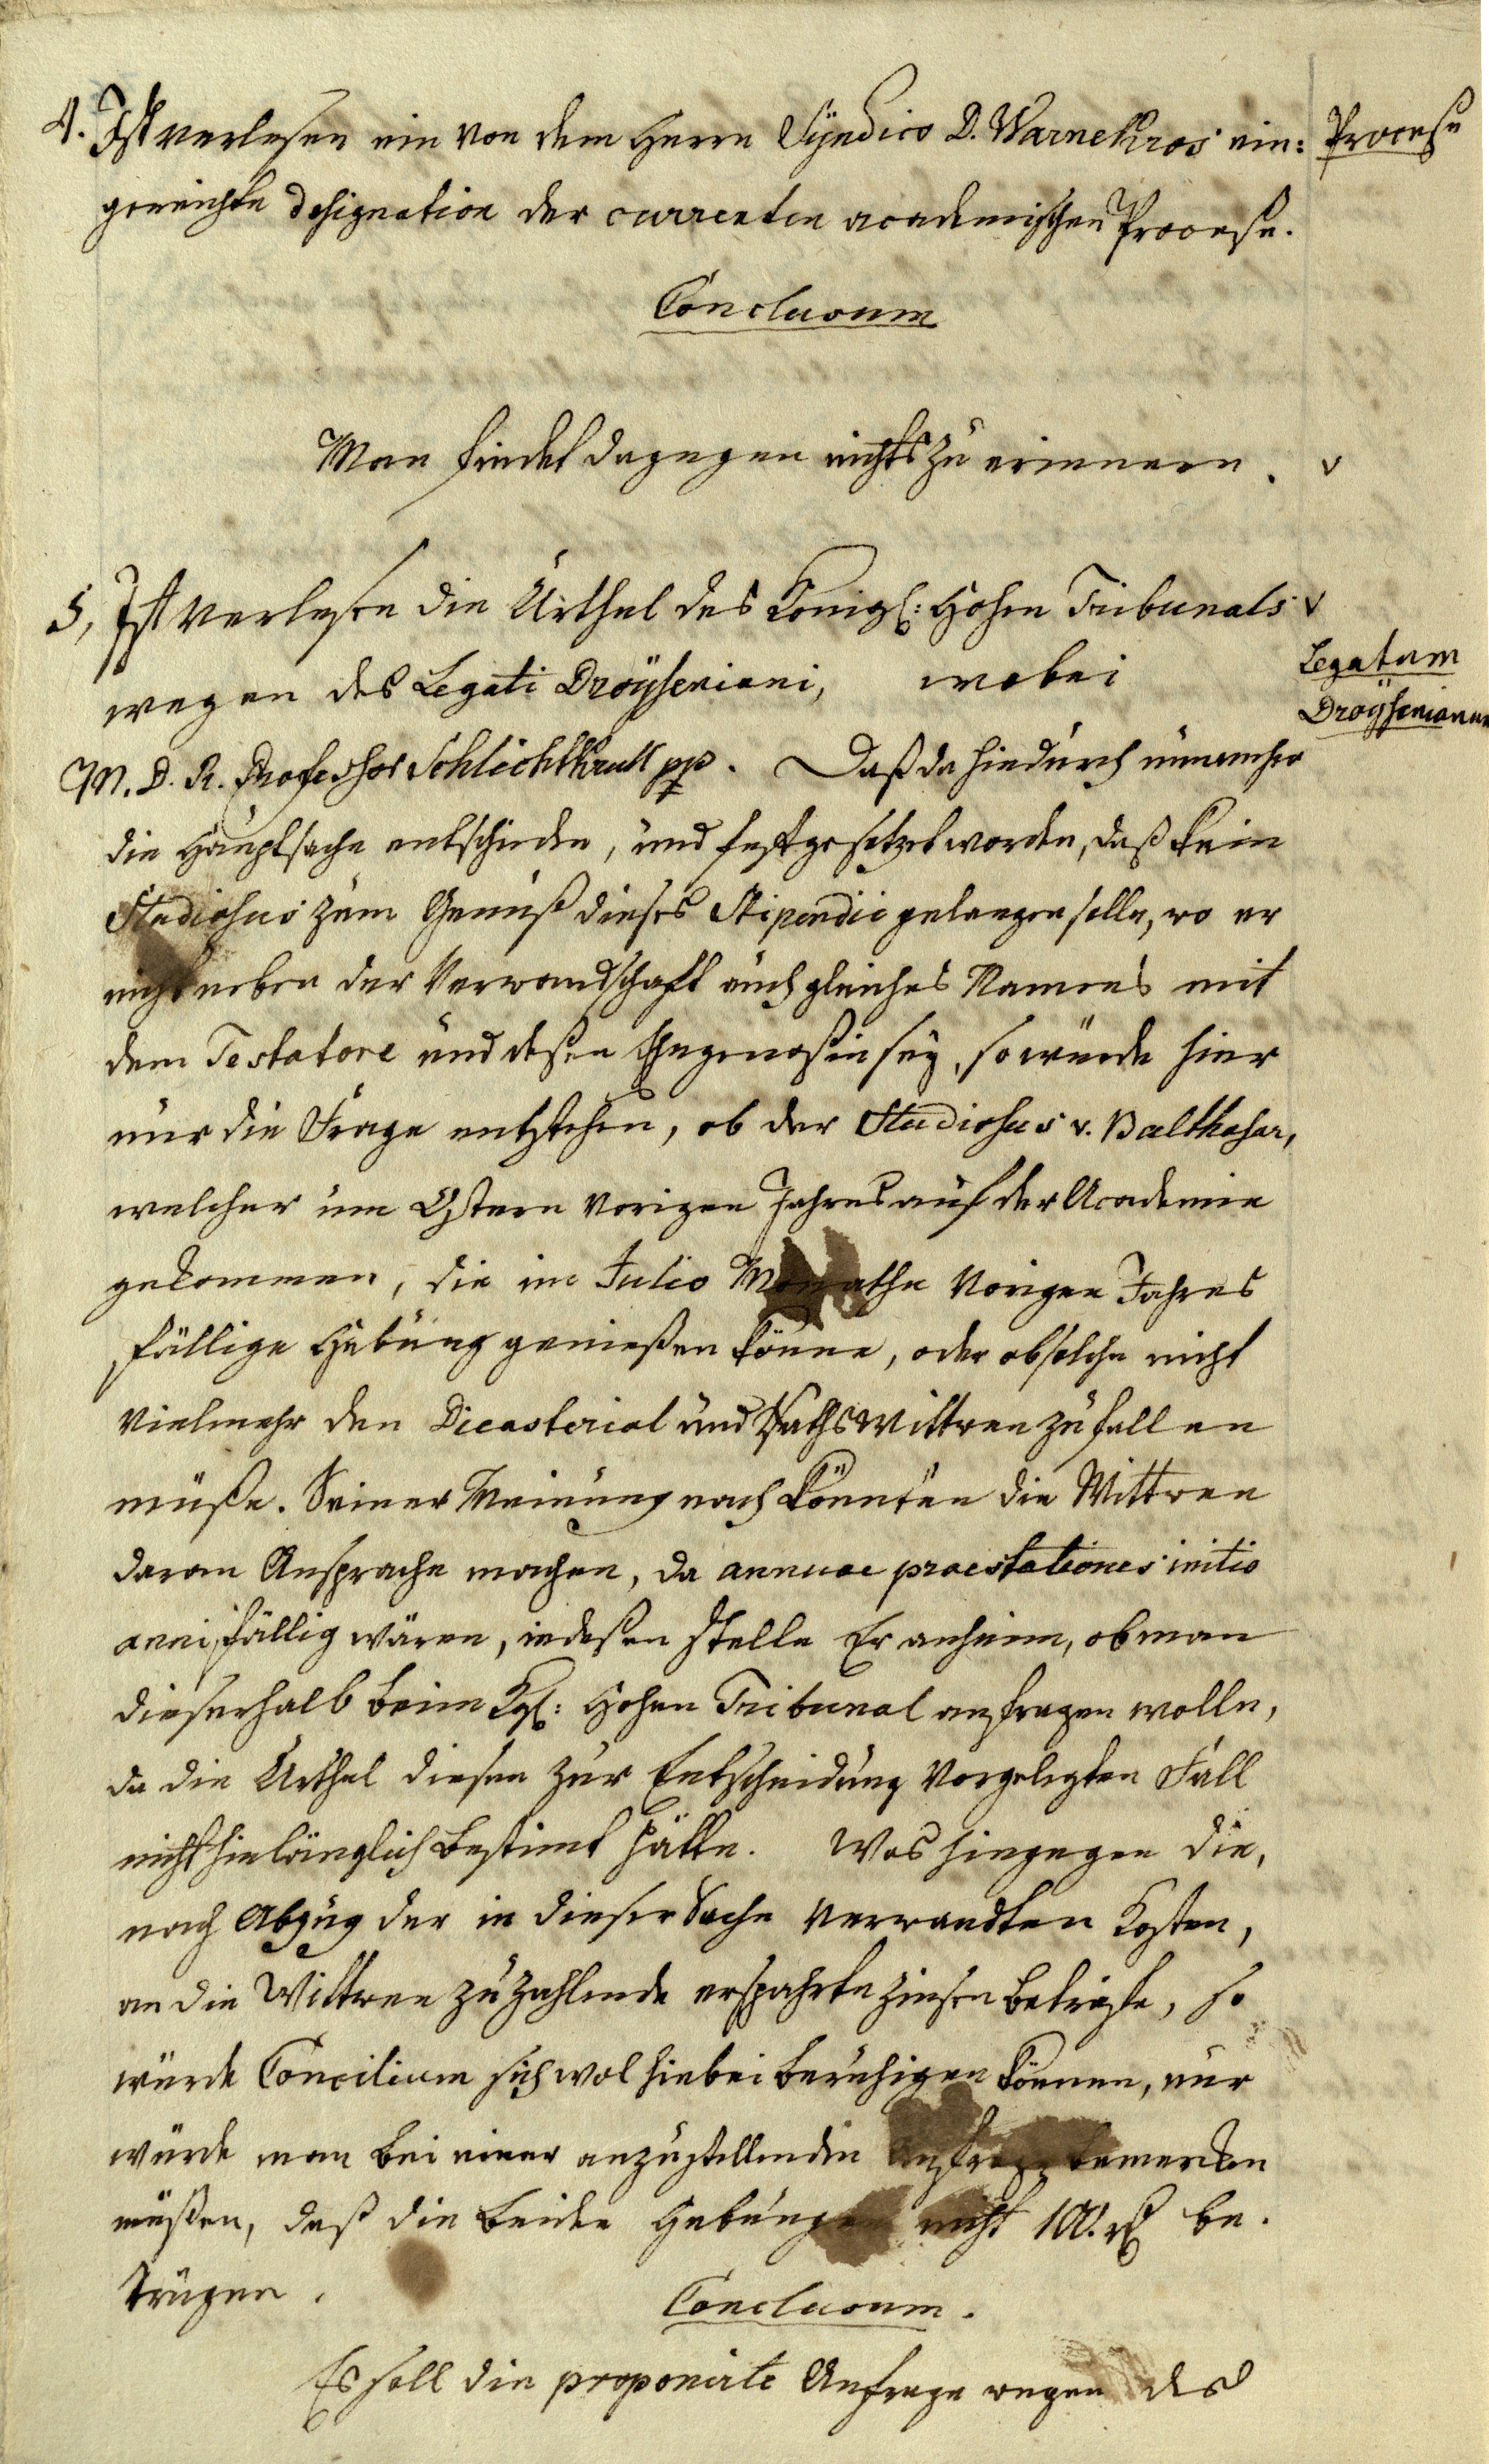4. Ist verlesen ein von dem Herrn Sÿndico D. Warnekros ein¬
gereichte designation der currenten academischen Proceße.
Conclusum
Man findet dagegen nichts zu erinnern.
5, Ist verlesen die Urthel des Königl. Hohen Tribunals
wegen des Legati Droÿseniani, wobei
M. D. R. Professor Schlichtkrull pp. Daß da hiedurch nunmehro
die Hauptsache entschieden, und festgesetzet worden, daß kein
Studiosus zum Genuß dieses Stipendii gelangen solle, wo er
nicht neben der Verwandschaft auch gleiches Namens mit
dem Testatore und deßen Ehegenoßin seÿ, so würde hier
nur die Frage entstehen, ob der Studiosus v. Balthasar,
welcher um Ostern vorigen Jahres auf der Academie
gekommen, die im Julio Monathe vorigen Jahres
fällige Hebung genießen könne, oder ob solche nicht
vielmehr den Dicasterial und Rathswittwen zufallen
müße. Seiner Meinung nach könnten die Wittwen
daran Ansprache machen, da annuae praestationes initio
anni fällig wären, indeßen stelle Er anheim, ob man
dieserhalb beim Kgl. Hohen Tribunal anfragen wolle,
da die Urthel diesen zur Entscheidung vorgelegten Fall
nicht hinlänglich bestimt hätte. Was hingegen die,
nach Abzug der in dieser Sache verwandten Kosten,
an die Wittwen zu zahlende erspahrte Zinsen beträfe, so
würde Concilium sich wol hiebei beruhigen können, nur
würde man bei einer anzustellenden Anfrage bemercken
müßen, daß die beiden Hebungen nicht 100. rl. be¬
trügen.
Conclusum
Es soll die proponirte Anfrage wegen des